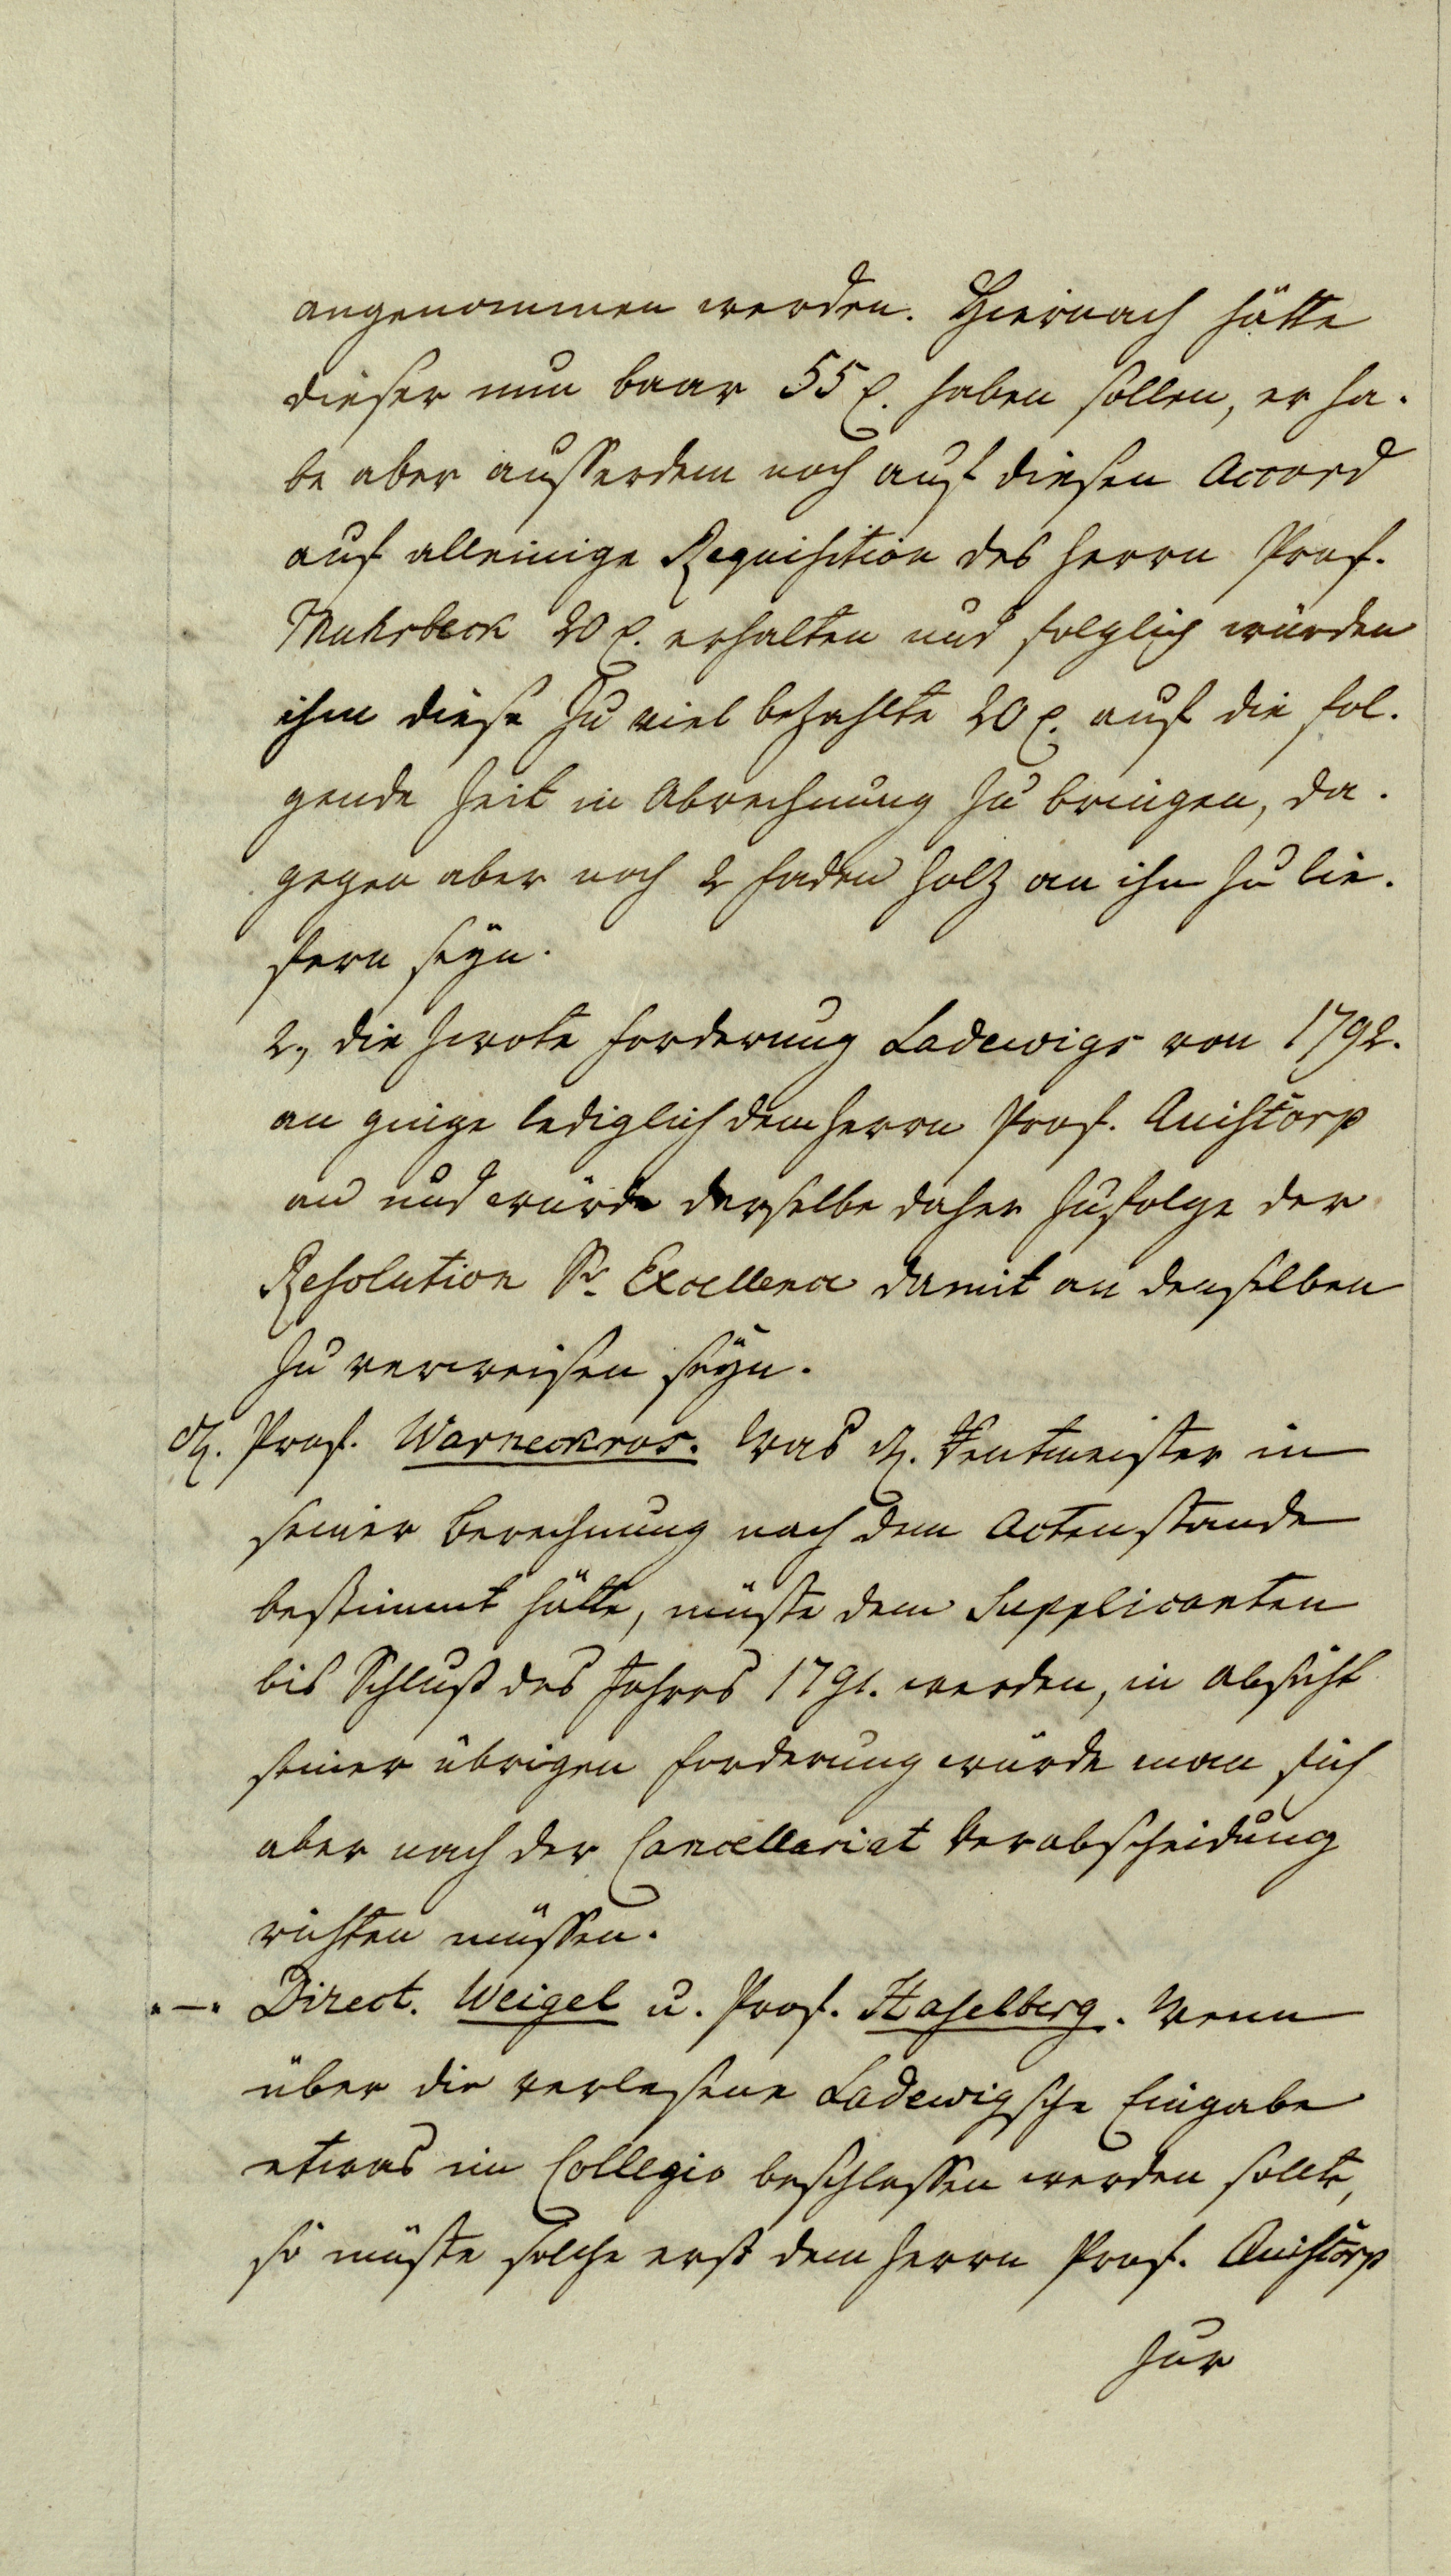angenommen werden. Hiernach hätte
dieser nun baar 55 rtl. haben sollen, er ha¬
be aber ausserdem noch auf diesen Accord
auf alleinige Requisition des Herrn Prof.
Muhrbeck 20 rtl. erhalten und folglich würden
ihm diese zu viel bezahlte 20 rtl. auf die fol¬
gende Zeit in Abrechnung zu bringen, da¬
gegen aber noch 2 Faden Holz an ihn zu lie¬
fern seÿn.
2., die zwote Forderung Ladewigs von 1792.
an ginge lediglich dem Herrn Prof. Quistorp
an und würde derselbe daher zufolge der
Resolution Sr. Excellence damit an denselben
zu verweisen seÿn.
dh. Prof. Warneckros. was dh. Rentmeister in
seiner Berechnung nach dem Actenstande
bestimmt hätte, müsste dem Supplicanten
bis Schluß des Jahres 1791. werden, in Absicht
seiner übrigen Forderung würde man sich
aber nach der Cancellariat Verabschiedung
richten müssen.
" — " Direct. Weigel u. Prof. Haselberg. Wenn
über die verlesene Ladewigsche Eingabe
etwas im Collegio beschlossen werden sollte,
so müsste solche erst dem Herrn Prof. Quistorp
zur